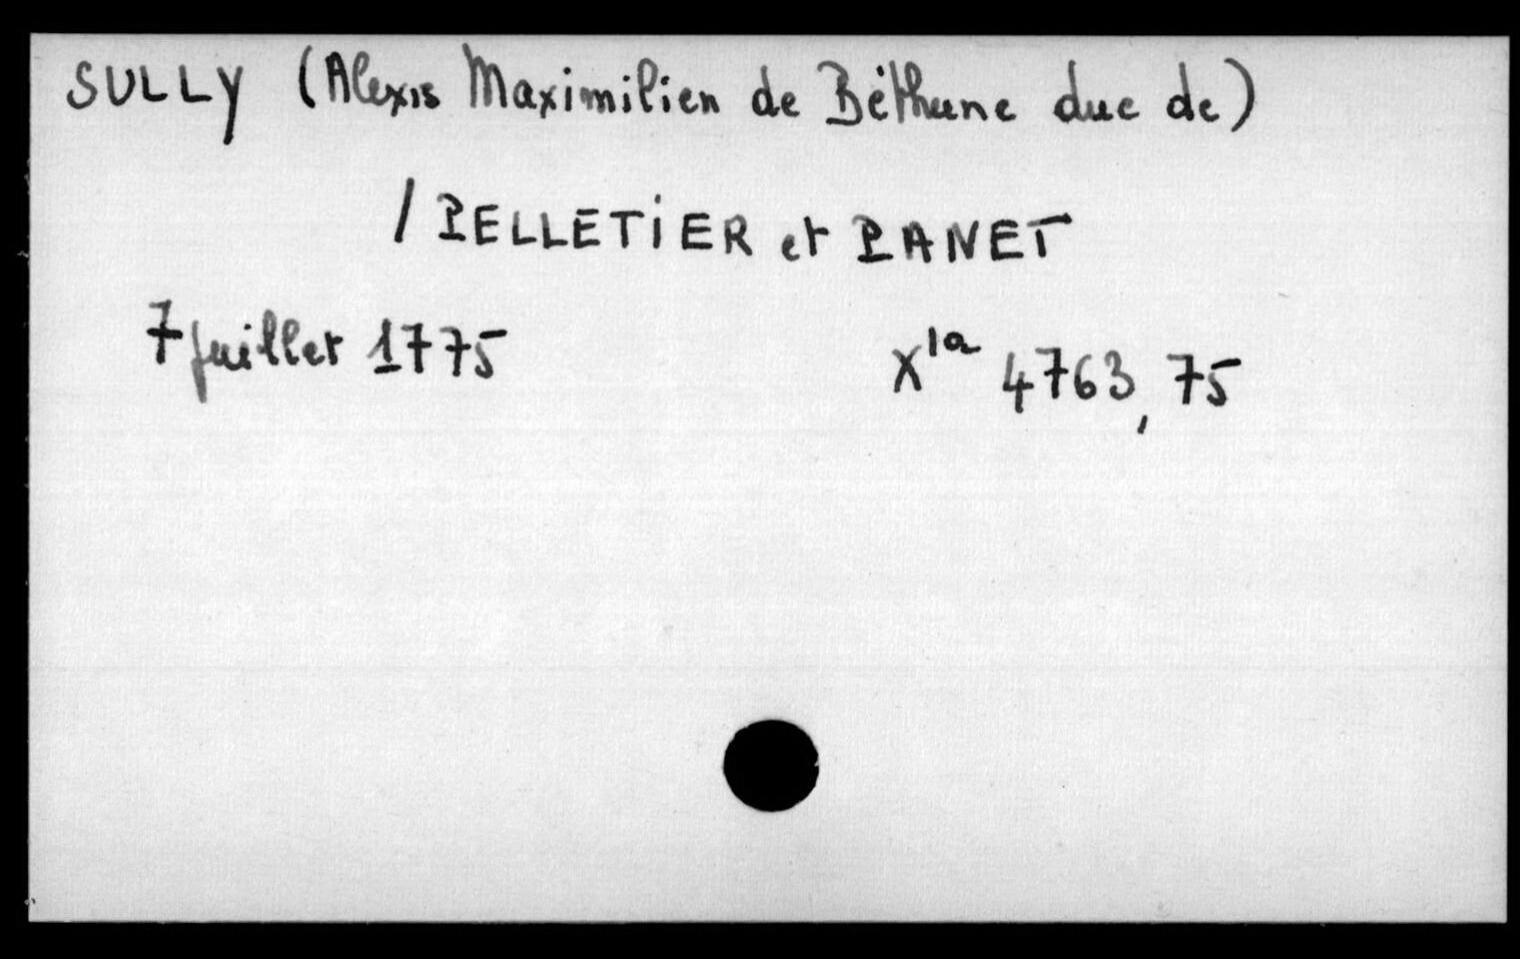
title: SULLY (Alexis Maximilien de Béthune duc de)
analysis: Contre PELLETIER et PANET
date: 7 juillet 1775
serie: X1a
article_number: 4763
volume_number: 75
